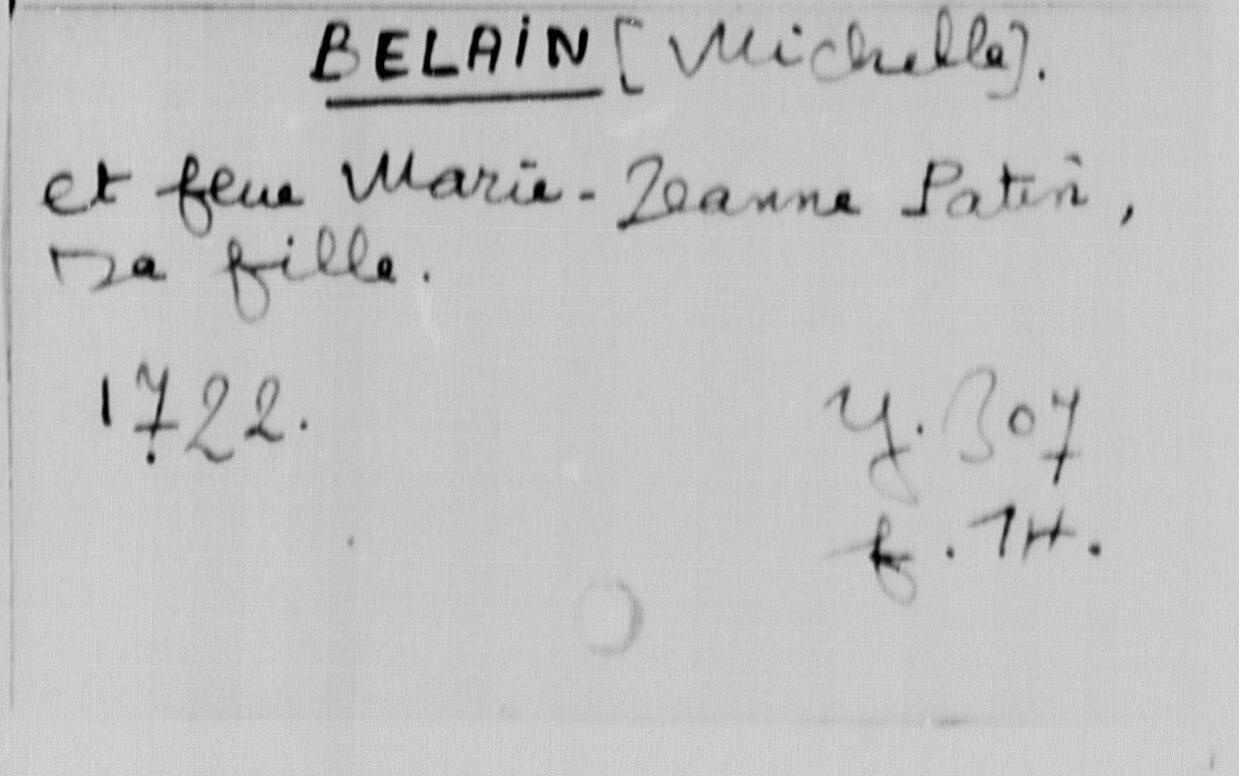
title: BELAIN (Michelle), et feue Marie-Jeanne Patin, sa fille.
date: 1722
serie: Y
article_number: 307
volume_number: fol. 14
